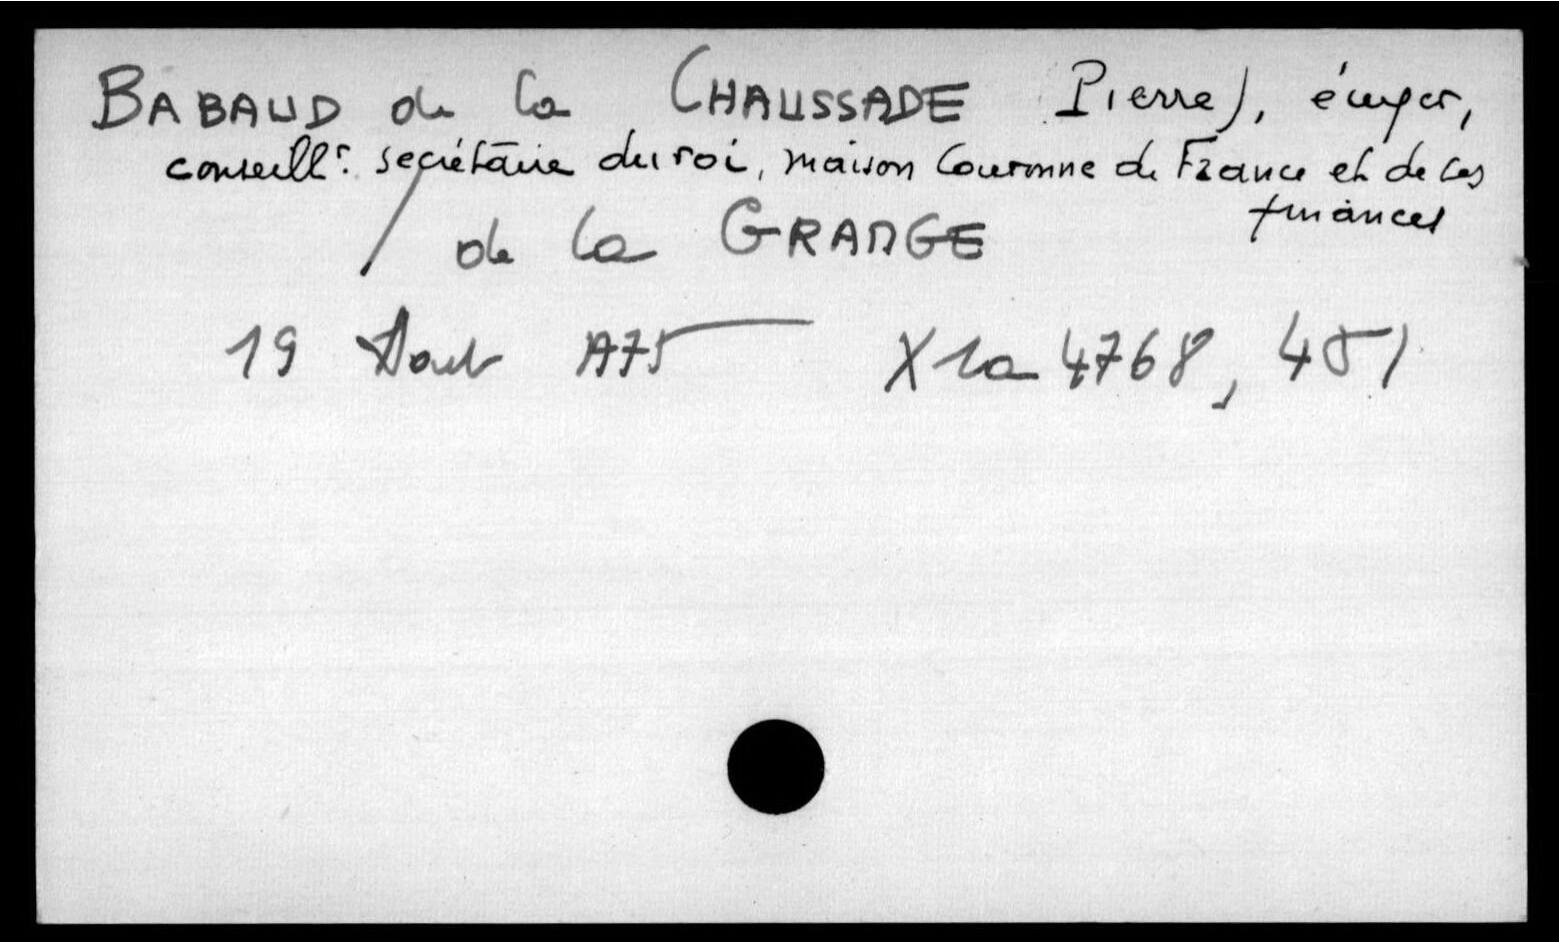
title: BABAUD de la CHAUSSADE Pierre, écuyer, conseiller secrétaire de roi, maison couronnne de France et de ses finances
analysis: contre de la GRANGE
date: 19 août 1775
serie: X1a
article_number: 4768
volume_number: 481
